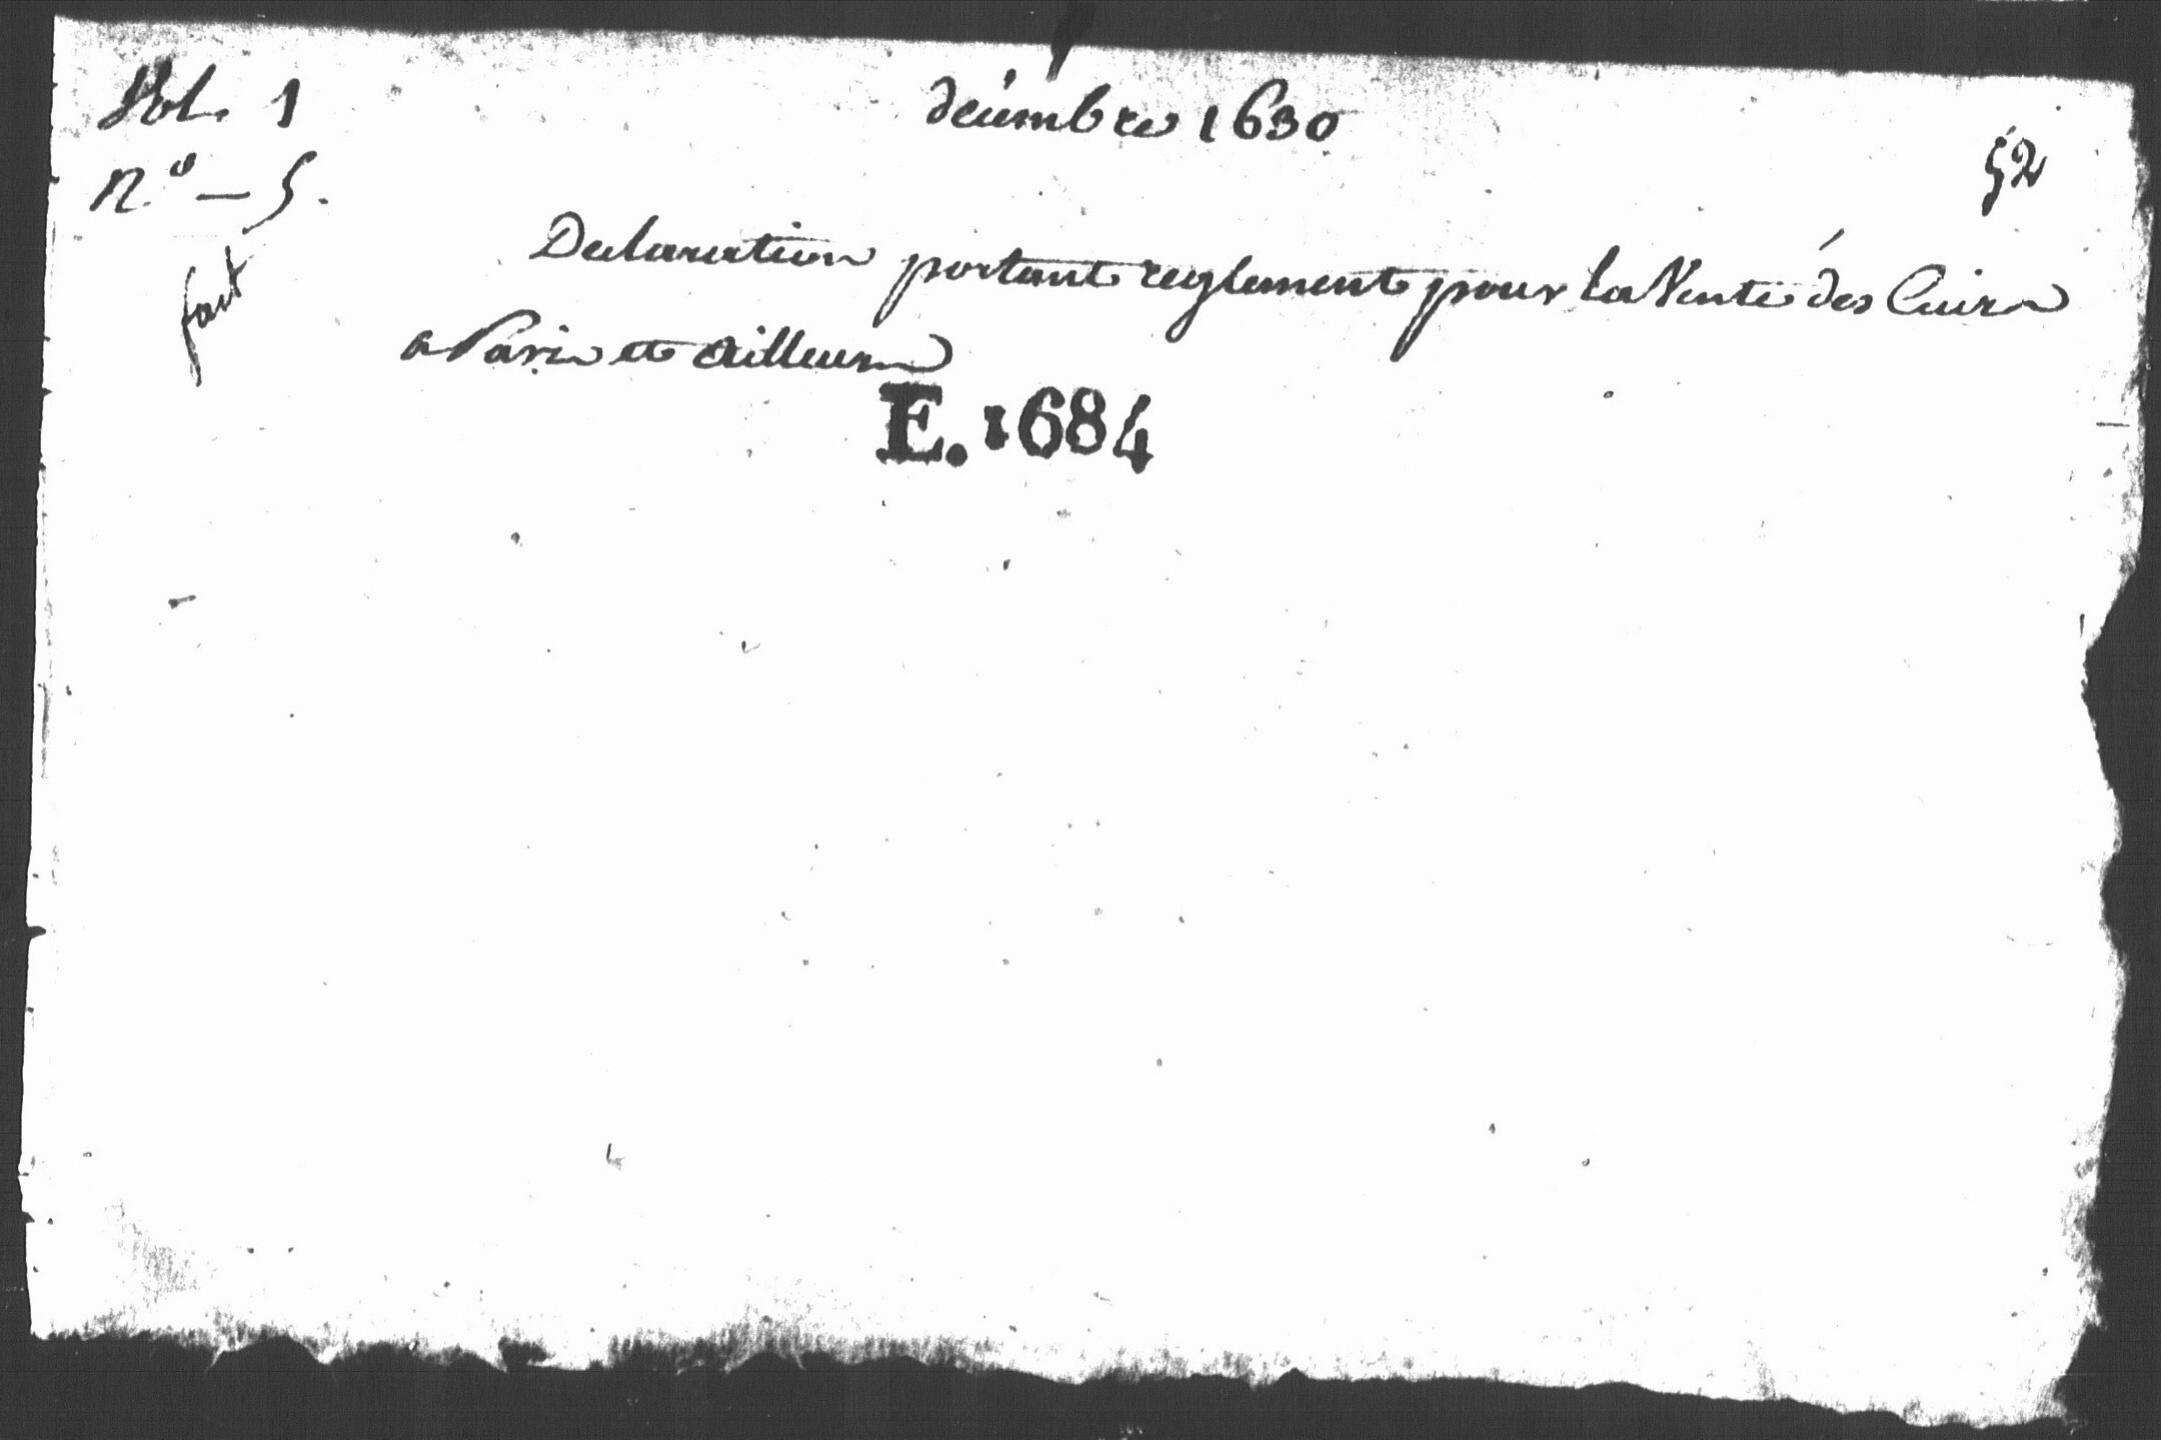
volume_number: n°5
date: décembre 1630
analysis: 52 fait [en marge]
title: Declaration portant reglement pour la vente des cuirs a Paris et ailleurs
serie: E
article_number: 1634
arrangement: vol. 1
